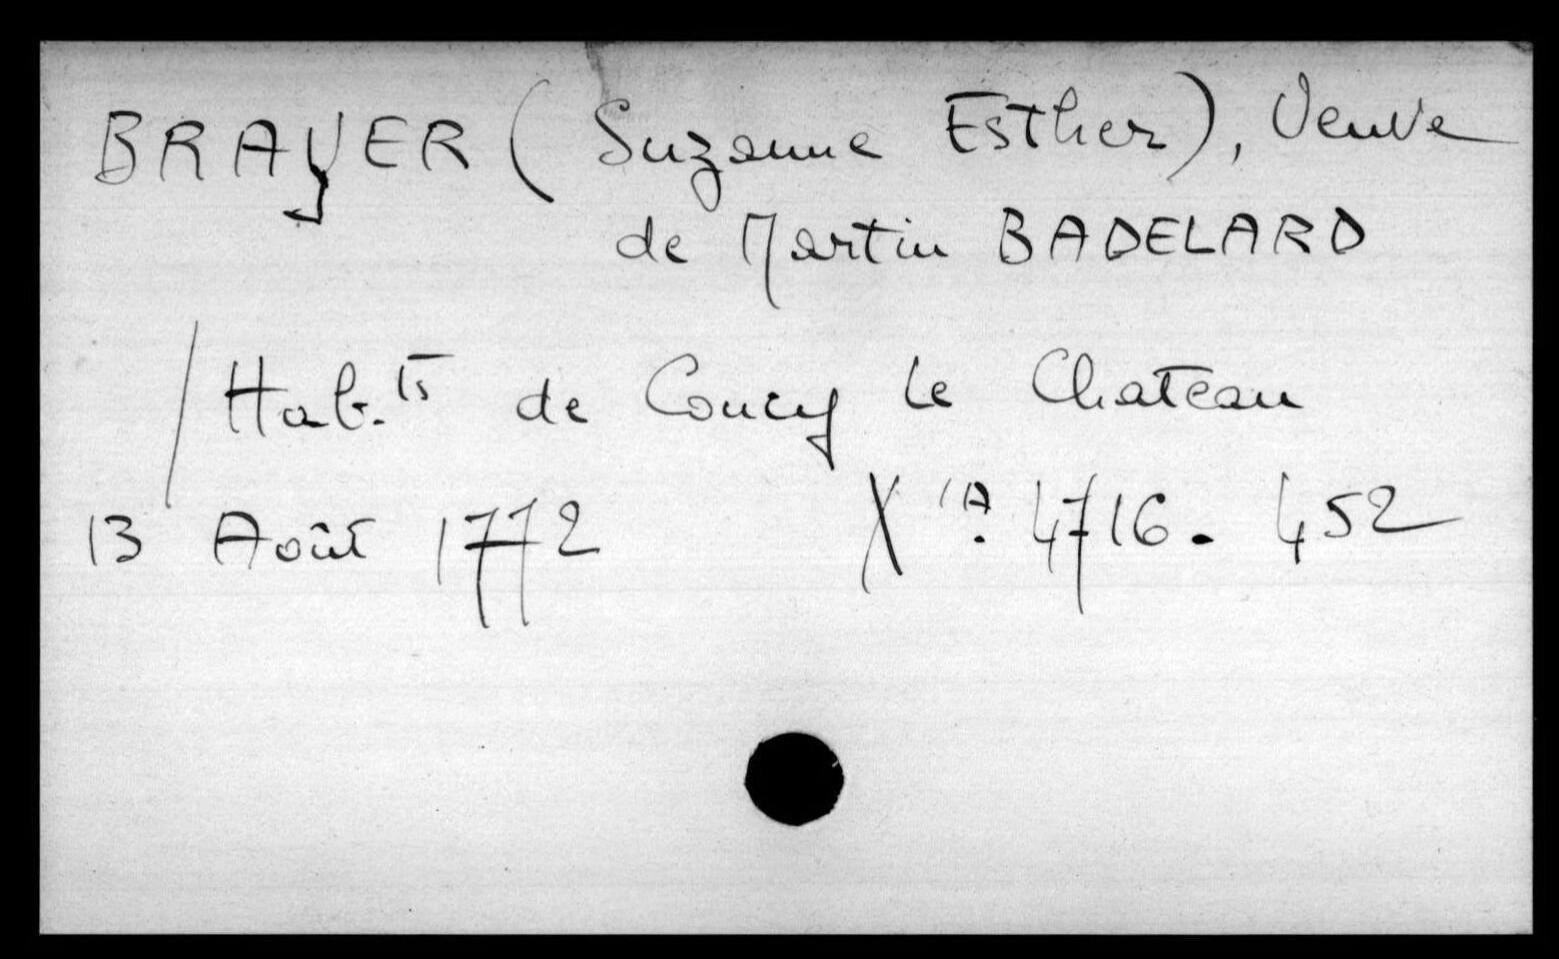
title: BRAYER (Suzanne Esther), Veuve de Martin BADELARD
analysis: Contre Habitants de Coucy le Château
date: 13 août 1772
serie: X1A
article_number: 4716
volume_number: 452
